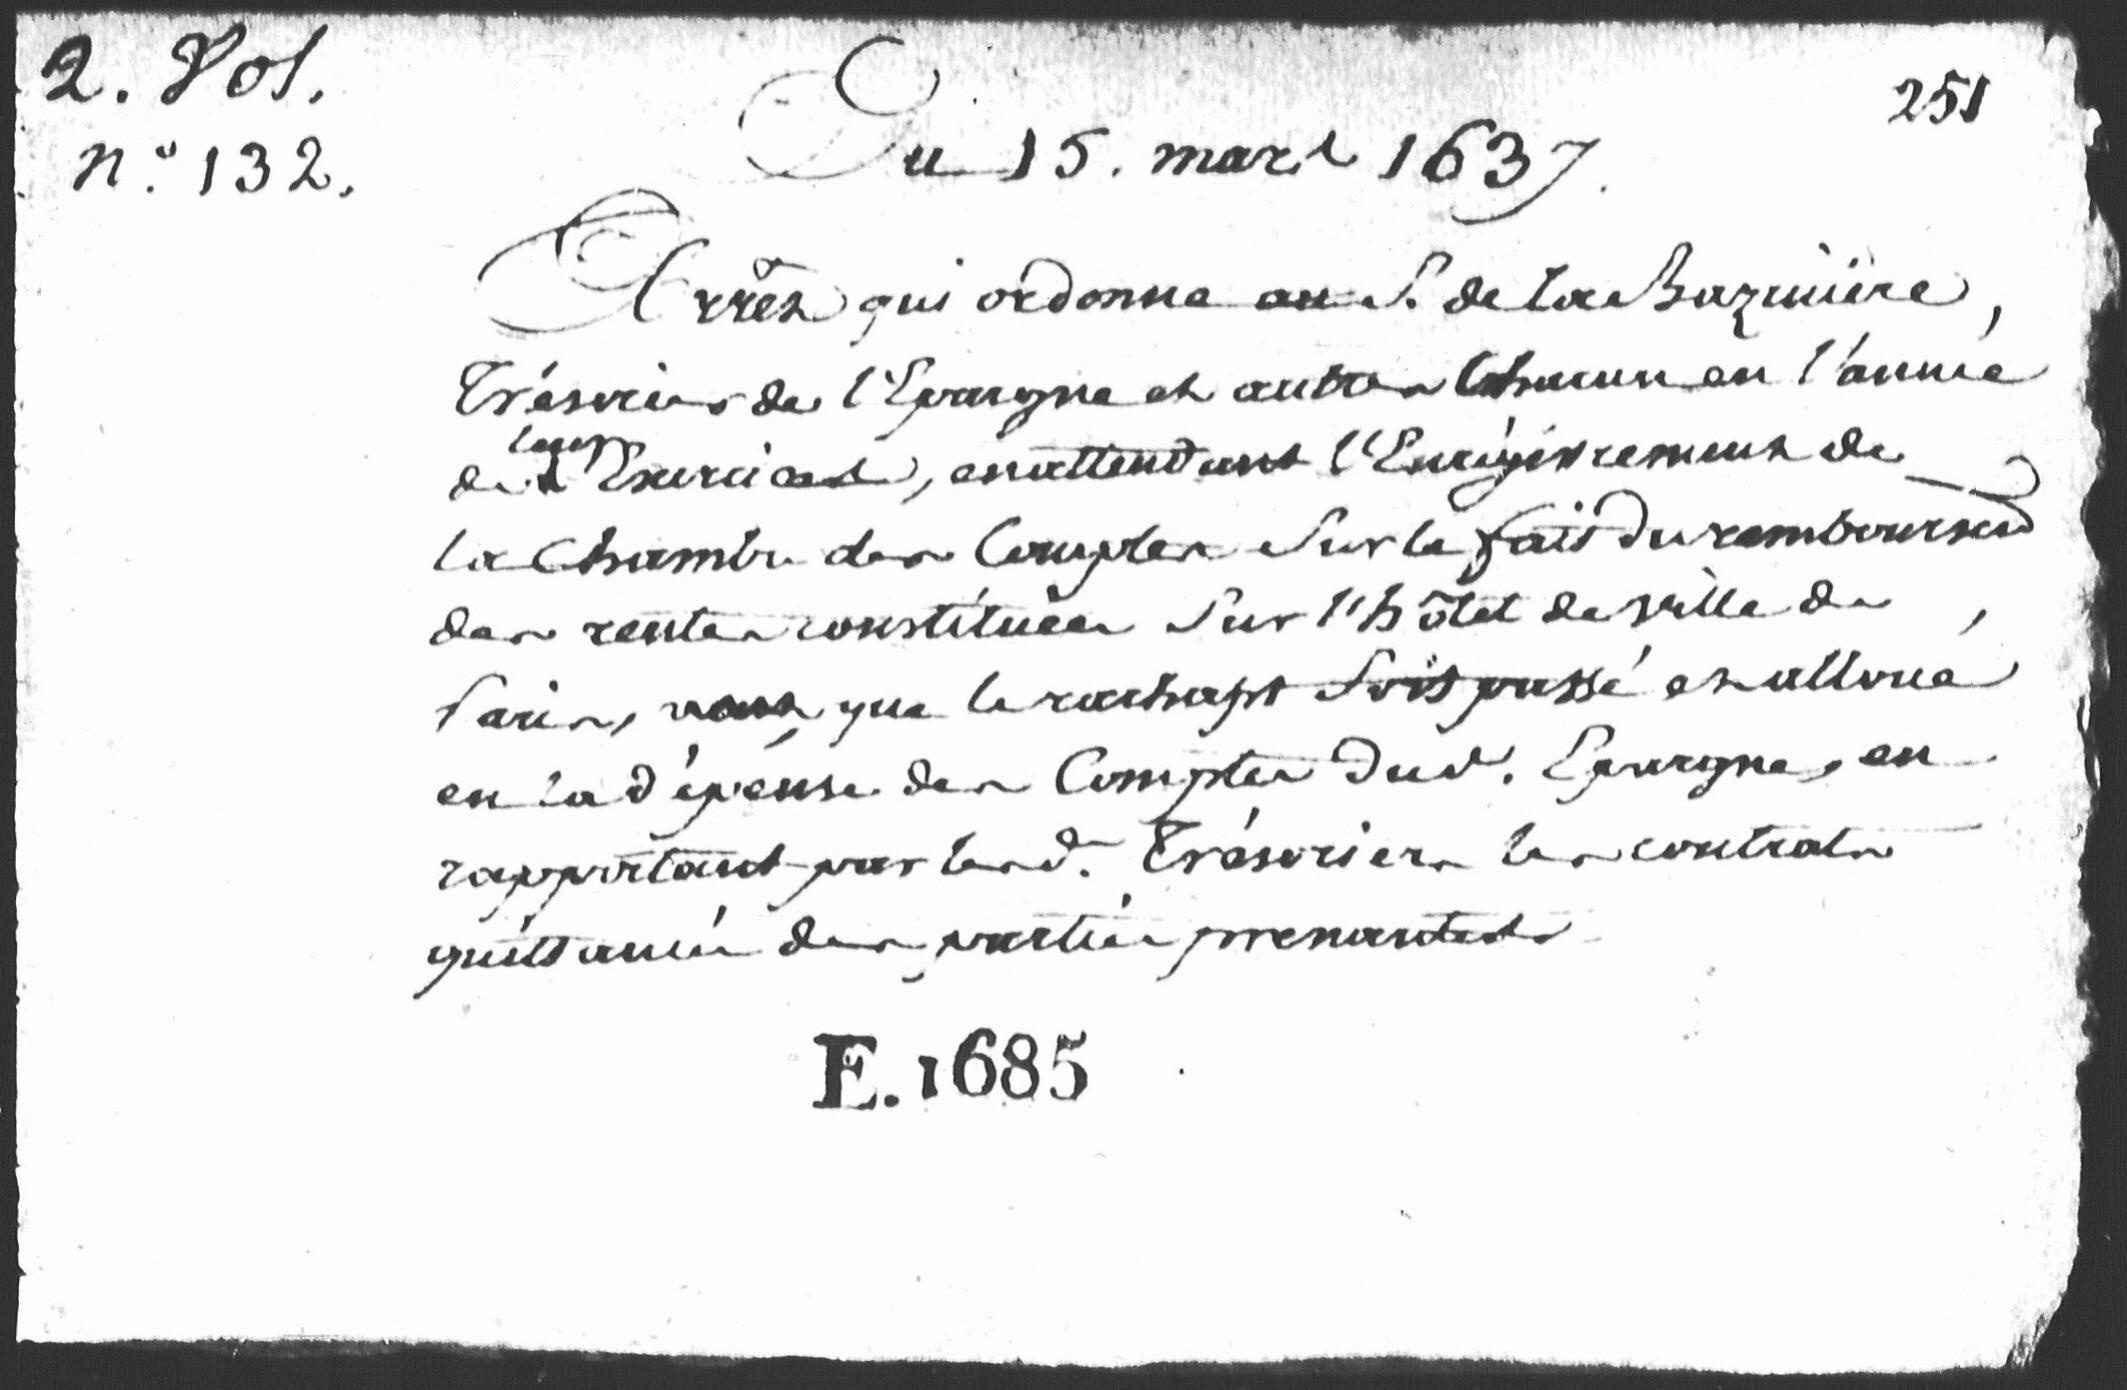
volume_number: n°132
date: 15 mars 1637
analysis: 251
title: Arrêt qui ordonne au S. de la Bazinière, trésorier de l'Epargne et autres chacun en l'année de leurs exercices, en attendant l'enregistrement de la chambre des comptes sur le fait du remboursemt des rentes constituées sur l'hôtel de ville de Paris [mot barré ?] que le rachapt soit passé et alloué en la dépense des comptes dud. Epargne, en rapportant par lesd. Trésoriers les contrats quittancés des parties prenantes
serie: E
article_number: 1685
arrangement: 2. vol.
